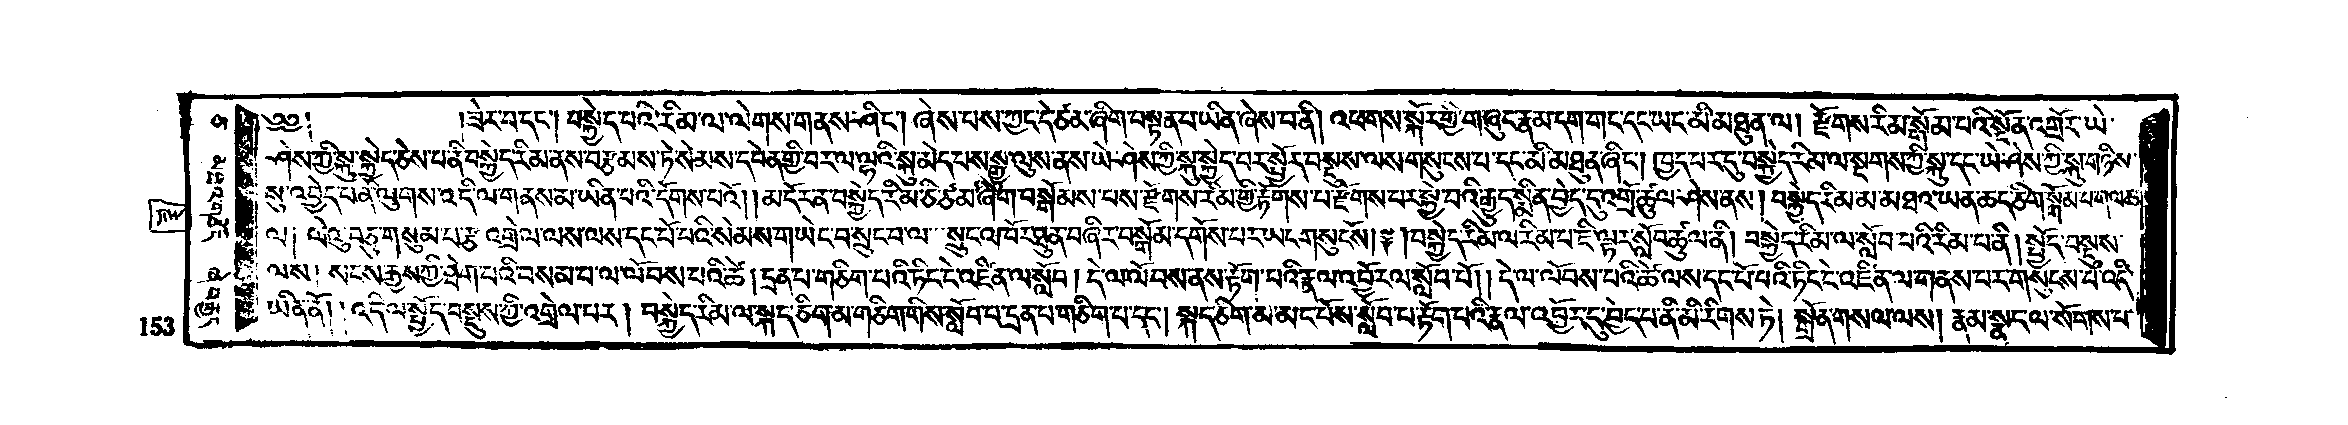༄༅། །ཟེར་བ་དང་། བསྐྱེད་པའི་རིམ་ལ་ལེགས་གནས་ཤིང་། ཞེས་པས་ཀྱང་དེ་ཙམ་ཞིག་བསྟན་པ་ཡིན་ཞེས་པ་ནི། འཕགས་སྐོར་གྱི་གཞུང་རྣམ་དག་གང་དང་ཡང་མི་མཐུན་ལ། རྫོགས་རིམ་སྒོམ་པའི་སྔོན་འགྲོར་ཡེ་
ཤེས་ཀྱི་སྐུ་སྐྱེད་ཅེས་པ་ནི་བསྐྱེད་རིམ་ནས་བརྩམས་ཏེ་སེམས་དབེན་གྱི་བར་ལ་ལྷའི་སྐུ་མེད་པས་སྒྱུ་ལུས་ནས་ཡེ་ཤེས་ཀྱི་སྐུ་སྐྱེད་པར་སྤྱོད་བསྡུས་ལས་གསུངས་པ་དང་མི་མཐུན་ཞིང་། ཁྱད་པར་དུ་བསྐྱེད་རིམ་ལ་སྔགས་ཀྱི་སྐུ་དང་ཡེ་ཤེས་ཀྱི་སྐུ་གཉིས་
སུ་འབྱེད་པ་ནི་ལུགས་འདི་ལ་གནས་མ་ཡིན་པའི་དོགས་པའོ། །མདོར་ན་བསྐྱེད་རིམ་ཅི་ཙམ་ཞིག་བསྒོམས་པས་རྫོགས་རིམ་གྱི་རྟོགས་པ་རྫོགས་པར་སྐྱེ་བའི་རྒྱུད་སྨིན་བྱེད་དུ་འགྲོ་ཚུལ་ཤེས་ནས། བསྐྱེད་རིམ་མ་མཐའ་ཡན་ཆད་ཅིག་སྒོམ་པ་གལ་ཆེ་
ལ། ལེའུ་བཅུ་གསུམ་པ་རྩ་འགྲེལ་ལས་ལས་དང་པོ་པའི་སེམས་གཡེང་བ་སྲུང་བ་ལ་སྲུང་འཁོར་ཐུན་བཞིར་བསྒོམ་དགོས་པར་ཡང་གསུངས་སོ། ༈ །བསྐྱེད་རིམ་ལ་རིམ་པ་ཇི་ལྟར་སློབ་ཚུལ་ནི། བསྐྱེད་རིམ་ལ་སློབ་པའི་རིམ་པ་ནི། སྤྱོད་བསྡུས་
ལས། སངས་རྒྱས་ཀྱི་ཐེག་པའི་བསམ་པ་ལ་ལོབས་པའི་ཚེ། དྲན་པ་གཅིག་པའི་ཏིང་ངེ་འཛིན་ལ་སློབ། དེ་ལ་ལོབས་ནས་རྟོག་པའི་རྣལ་འབྱོར་ལ་སློབ་པོ། །དེ་ལ་ལོབས་པའི་ཚེ་ལས་དང་པོ་པའི་ཏིང་ངེ་འཛིན་ལ་གནས་པར་གསུངས་པ་འདི་
ཡིན་ནོ། །འདི་ལ་སྤྱོད་བསྡུས་ཀྱི་འགྲེལ་པར། བསྐྱེད་རིམ་ལ་སྐད་ཅིག་མ་གཅིག་གིས་སློབ་པ་དྲན་པ་གཅིག་པ་དང་། སྐད་ཅིག་མ་མང་པོས་སློབ་པ་རྟོག་པའི་རྣལ་འབྱོར་དུ་བྱེད་པ་ནི་མི་རིགས་ཏེ། སྒྲོན་གསལ་ལས། རྣམ་སྣང་ལ་སོགས་པ་